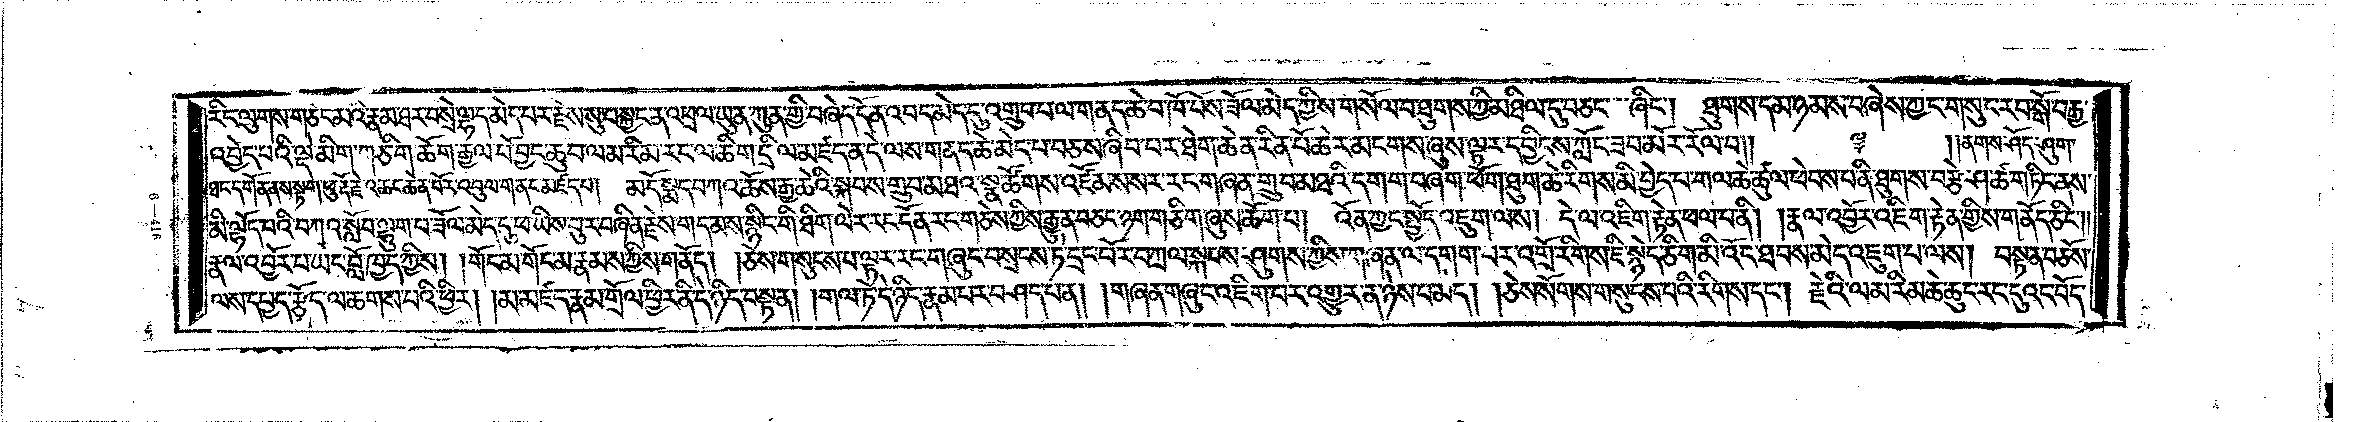རིང་ལུགས་གཅེང་མའི་རྣམ་ཐར་བསྲེ་ལྷད་མེད་པར་རྗེས་སུ་བསྐྱང་ན་འཕྲལ་ཡུན་ཀུན་གྱི་བཞེད་དོན་འབད་མེད་དུ་འགྲུབ་པ་ལ་གནད་ཆེ་བ་ཁོ་པོས་ཟོལ་མེད་ཀྱིས་གསོལ་བ་ཐུགས་ཀྱི་མཐིལ་དུ་བཅང་ཞིང་། ཐུགས་དམ་ཉམས་བཞེས་ཀྱང་གསུང་རབ་སྒོ་བརྒྱ་
འབྱེད?་བའི་ལྡེ་མིག་གཅིག་ཆོག་རྒྱལ་པོ་བྱང་ཆུབ་ལམ་རིམ་རང་ལ་ཆིག་དྲིལ་མཛད་ན་དེ་ལས་གནད་ཆེ་མེད་པ་བཅས་ཞིབ་པར་ཐེག་ཆེན་རིན་པོ་ཆེར་མངགས་ཞུས་ལྟར་དབྱིངས་ཀློང་ཟབ་མོར་རོལ་པ།། ༈ །།ནགས་ཤོད་ཤུག་
དགོན་ནས་སྟག་པུ་རྡོ་རྗེ་འཆང་ཆེན་པོར་འབུལ་གནང་མཛད་པ། མདོ་སྨད་བཀའ་ཆོས་རྒྱ་ཆེའི་སྐབས་གྲུབ་མཐའ་སྣ་ཚོགས་འཛོམས་སར་རང་གཞན་གྲུབ་མཐའི་དགག་བཞག་ཕོག་ཐུག་ཆེ་རིགས་མི་བྱེད་པ་གལ་ཆེ་ཚུལ་ཕེབས་པ་ནི་ཐུགས་བརྩེ་ཤ་ཚ་གཏིང་ནས་
མ་ལྷོད་པའི་བཀའ་སློབ་ལྷུག་པ་ཟོལ་མེད་དུ་ཕ་ཡིས་བུར་བཞིན་རྗེས་གདམས་སྙིང་གི་ཐིག་ལེར་རང་དོན་རང་གཅེས་ཀྱིས་རྒྱུན་བཅང་ཉག་གཅིག་ཞུས་ཆོག་པ། འོན་ཀྱང་སྤྱོད་འཇུག་ལས། དེ་ལ་འཇིག་རྟེན་ཕལ་བ་ནི། །རྣལ་འབྱོར་འཇིག་རྟེན་གྱིས་གནོད་ཅིང་། །
རྣལ་འབྱོར་པ་ཡང་བློ་ཁྱོད་ཀྱིས། །གོང་མ་གོང་མ་རྣམས་ཀྱིས་གནོད། །ཅེས་གསུངས་པ་ལྟར་རང་གཞུང་བསྲངས་ཏེ་དྲང་པོར་བཀྲལ་སྐབས་ཤུགས་ཀྱིས་གཞན་ལ་དགག་པར་འགྲོ་རིགས་ཇི་སྙེད་ཅིག་མི་འོང་ཐབས་མེད་འཇུག་པ་ལས། བསྟན་བཅོས་
ལས་དཔྱད་རྩོད་ལ་ཆགས་པའི་ཕྱིར། །མ་མཛད་རྣམ་གྲོལ་ཕྱིར་ནི་དེ་ཉིད་བསྟན། །གལ་ཏེ་དེ་ཉིད་རྣམ་པར་བཤད་པ་ན། །གཞན་གཞུང་འཇིག་པར་འགྱུར་ན་ཉེས་པ་མེད། །ཅེས་སོགས་གསུངས་པའི་རིགས་དང་། རྗེའི་ལམ་རིམ་ཆེ་ཆུང་རང་དུའང་བོད་